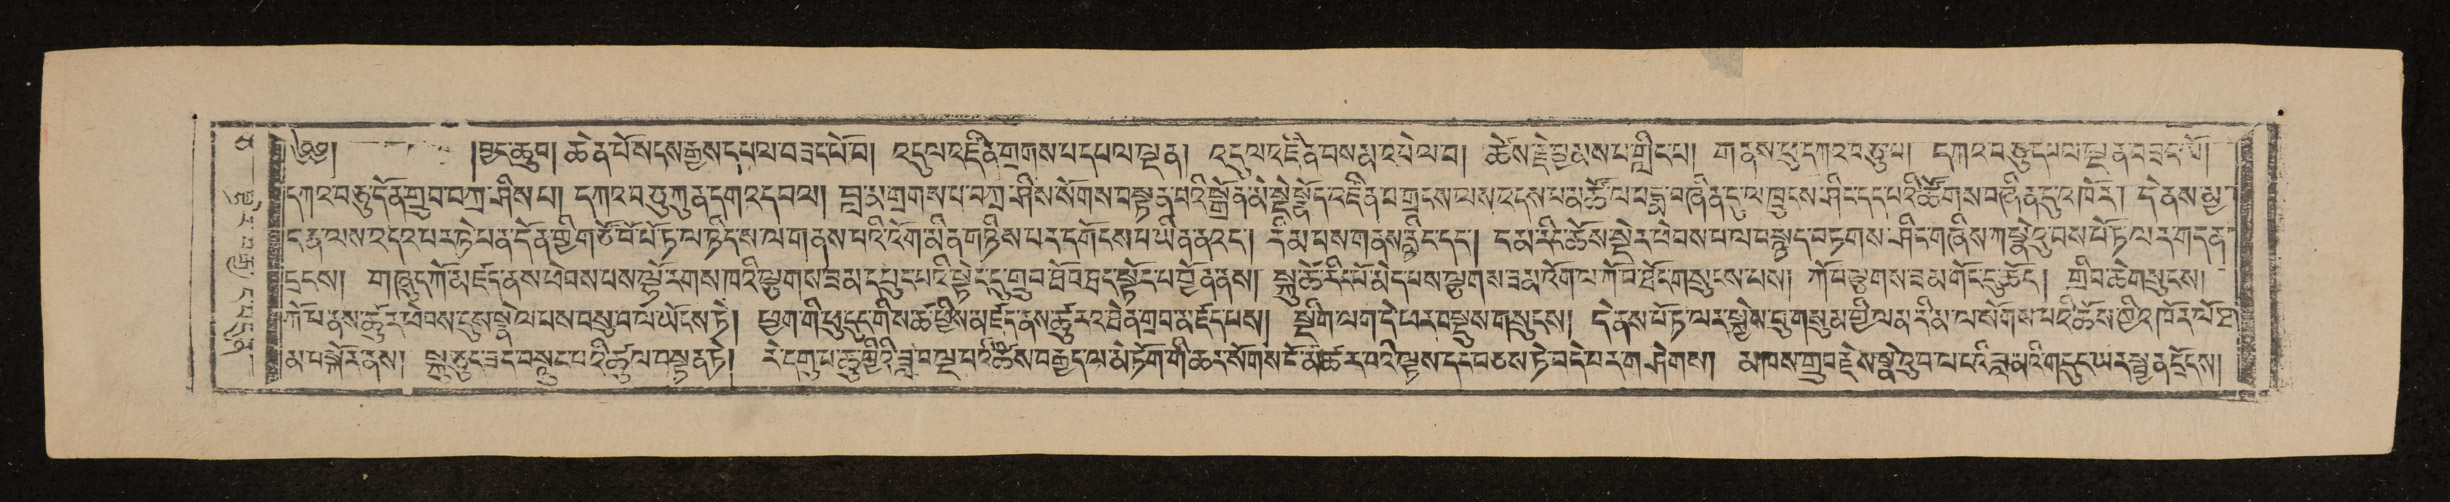༄༅། །བྱང་ཆུབ། ཆེན་པོ་སངས་རྒྱས་དཔལ་བཟང་པོ་བ། འདུལ་འཛིན་གྲགས་པ་དཔལ་ལྡན། འདུལ་འཛིན་བསམ་འཕེལ་བ། ཆོས་རྗེ་བྱམས་པ་གླིང་བ། གནས་ཕུ་དཀའ་བཅུ་པ། དཀའ་བཅུ་དཔལ་ལྡན་བཟང་པོ།
དཀའ་བཅུ་དོན་གྲུབ་བཀྲ་ཤིས་པ། དཀའ་བཅུ་ཀུན་དགའ་དཔལ། བླ་མ་གྲགས་པ་བཀྲ་ཤིས་སོགས་བསྟན་པའི་སྒྲོན་མེ་སྡེ་སྣོད་འཛིན་པ་གྲངས་ལས་འདས་པ་མཚོ་ལ་པདམ་བཞིན་དུ་འཁྲུངས་ཤིང་ངང་བའི་ཚོགས་བཞིན་དུ་འཁོར། དེ་ནས་མྱ་
ངན་ལས་འདའ་བར་ཉེ་བ་ན་དོན་གྱི་གཙོ་བོ་པོ་ཏ་ལ་ཉིད་ས་ལ་གནས་པའི་འོག་མིན་གཉིས་པར་དགོངས་པ་ཡིན་ནའང་། རིམ་པས་གནས་རྙིང་དང་། ངམ་རེང་ཆོས་སྡེར་ཕེབས་པ་ལ་བསྙད་བཏགས་ཤིང་གཞིས་ཀ་སྣེའུ་བས་བོ་ཏ་ལར་གདན་
དྲངས། གཞུང་ཀོ་མཛད་ནས་ཕེབས་པས་ལྷོ་རགས་ཁའི་ལྕགས་ཟམ་དབུང་པའི་སྟེང་དུ་གྲུབ་ཐོབ་ཐང་སྟོང་པ་བྱོན་ནས། སྐུ་ཚེ་རིང་པོ་མེད་པས་ལྕགས་ཟམ་འོག་ལ་ཀོ་བ་ཐོང་གསུངས་པས། ཀོ་བ་ལྕགས་ཟམ་གོང་དུ་ཆོད། གྲིབ་ཆེ་གསུངས།
ཀོ་བ་ནས་ཚུར་ཕེབས་དུས་སྣེལ་བས་བསུ་བ་ལ་ཡོངས་ཏེ། ཕྱག་གི་ཕུ་དུང་གིས་ཚ་ཕྱིས་མཛད་ནས་ཚུར་འཐེན་གྲབ་མཛད་པས། སྡིག་ལག་དེ་ཕར་བསྡུས་གསུངས། དེ་ནས་པོ་ཏ་ལར་སྐྱེས་བུ་གསུམ་གྱི་ལམ་རིམ་ལ་སོགས་པའི་ཆོས་ཀྱི་འཁོར་ལོ་ཐ་
མ་བསྐོར་ནས། སྐུ་ཅུང་ཟད་བསྙུང་བའི་ཚུལ་བསྟན་ཏེ། རེ་དགུ་བ་ཆུ་བྱིའི་ཟླ་བ་ལྔ་པའི་ཚེས་བརྒྱད་ལ་མེ་ཏོག་གི་ཆར་སོགས་ངོ་མཚར་བའི་ལྟས་དང་བཅས་ཏེ་བདེ་བར་གཤེགས། མཁས་གྲུབ་རྗེས་སྣེའུ་བ་ལ་ངའི་བླ་མའི་གདུང་ཡར་སྤྱན་དྲོངས།